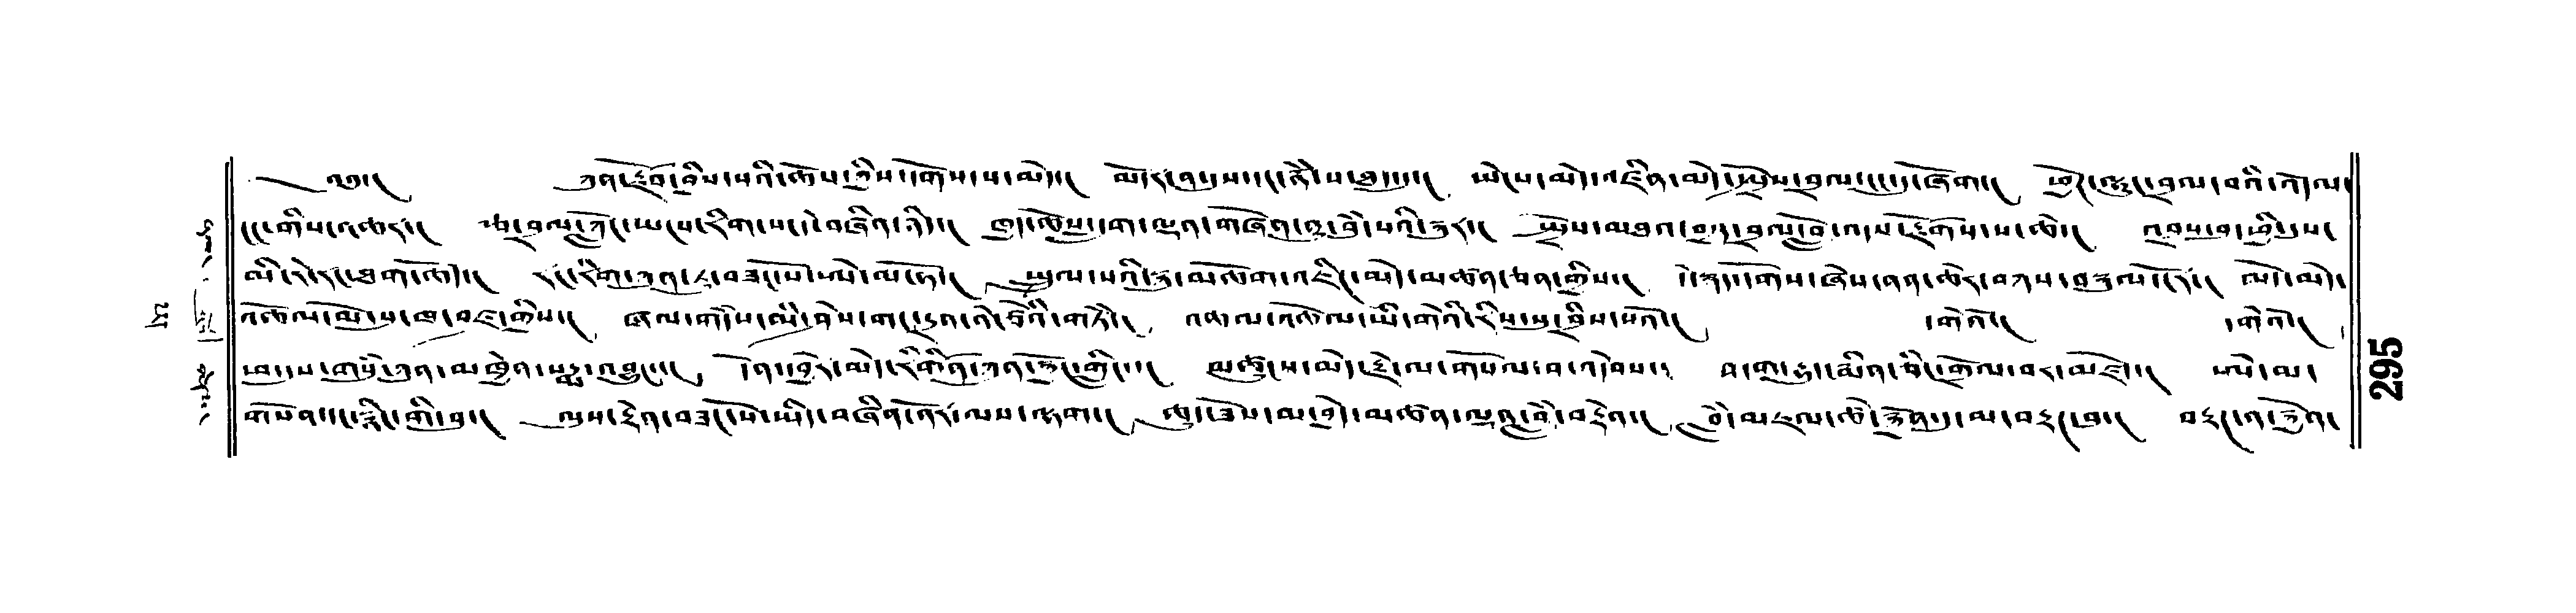།ཀུན་རྫོབ་བྱིས་པའི་ཆོས་ཀྱིས་དགོས་པ་མེད། །མདོར་ན་དུས་དང་རྣམ་པ་ཐམས་ཅད་དུ། །ཡེངས་མེད་འཛིན་མེད་སྤྲོས་བྲལ་ངང་དུ་ཞོག །ཕྱོགས་ལྷུང་བྲལ་བའི་འོད་གསལ་
ངང་གིས་འཆར། །རྩ་བྲལ་ཀློང་ཡངས་རིག་པ་དེ་བཞིན་ཉིད། ཁྱད་ཆོས་དྲུག་ལྡན་གཞོན་ནུ་བུམ་པའི་སྐུར། །སྤྲོས་མཐའ་བརྒྱད་བྲལ་བློ་འདས་རྫོགས་པ་ཆེ། །འབྲས་བུ་ཕྱི་དུས་
མི་རེ་རང་ཐག་ཆོད། །རང་རིག་ཀུན་ཏུ་བཟང་པོ་ཨེ་མ་ཧོ། །སྤྲུལ་པའི་སྐུ་མཆོག་འཇིགས་མེད་མཚན་ཅན་གྱིས། །དེ་སྐད་དགོས་ཞེས་ནན་ཆེར་བཀས་བསྐུལ་ངོར། །མདོ་མེད་
འཆོལ་མོ་སུ་ཁ་བཛྲ་གྱིས། །ཞལ་གདམས་མི་ཤེས་གང་དྲན་ནེ་ཙོའི་གཏམ། །འཆལ་འཆོལ་ཡི་གེའི་རིས་སུ་བྲིས་པའོ།། དགེའོ།། 
ཕ་དུས་གསུམ་ཀུན་མཁྱེན་པདྨ་འབྱུང་། །དོན་དབྱེར་མེད་རིག་འཛིན་ཀུན་སྐྱོང་གླིང་། །མཚུངས་མེད་རྗེ་ལ་གསོལ་བ་འདེབས། །བདག་རྒྱུད་སྨིན་ཅིང་གྲོལ་བར་མཛོད། །ཨེ་མ་
གསོན་དང་སྙིང་གི་བུ། །ལུས་རྟེན་བཟང་པོ་ཡིད་བཞིན་ནོར་ལས་ལྷག །ཆུད་ཟོས་མ་བྱེད་མཚན་ལྡན་བླ་མ་བརྟེན། །བླ་མ་མཇལ་ཚེ་སྐྱོན་དུ་མ་བརྟག་བུ། །བརྟགས་ན་སྐྱོན་